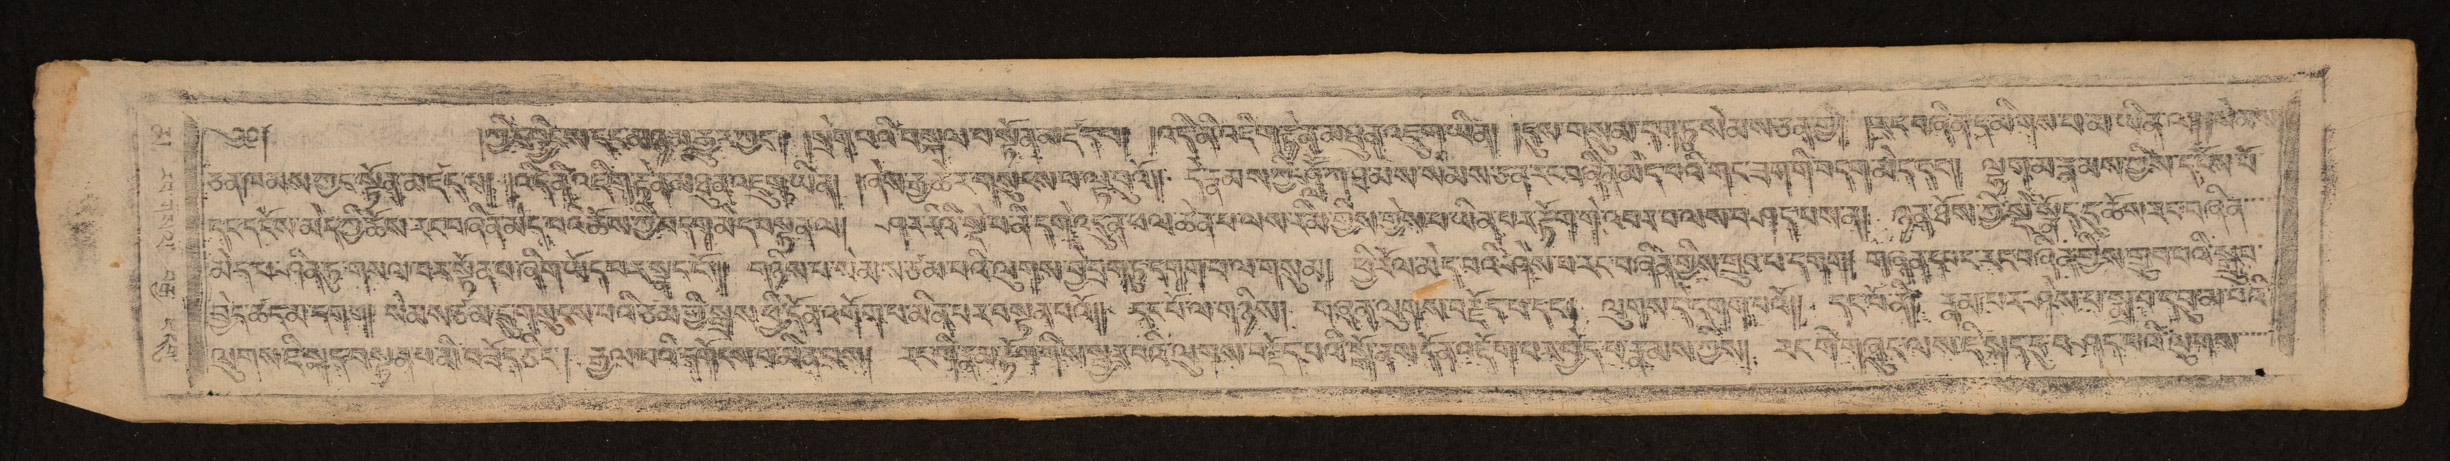༄༅། །ཀྱི་དབྱིངས་དང་མཉམ་གྱུར་ཀྱང་། །སྲེག་པའི་བསྐལ་པ་སྟོན་མཛད་པ། །འདི་ནི་འཇིག་རྟེན་མཐུན་འཇུག་ཡིན། །དུས་གསུམ་དག་ཏུ་སེམས་ཅན་གྱི། །རང་བཞིན་དམིགས་པ་མ་ཡིན་ལ། །སེམས་
ཅན་ཁམས་ཀྱང་སྟོན་མཛད་པ། །འདི་ནི་འཇིག་རྟེན་མཐུན་འཇུག་ཡིན། །ཞེས་རྒྱ་ཆེར་གསུངས་པ་ལྟ་བུའོ།། དེ་རྣམས་ཀྱི་ཤླཽ་ཀ་ཐ་མས་སེམས་ཅན་རང་བཞིན་མེད་པའི་གང་ཟག་གི་བདག་མེད་དང་། ལྷག་མ་རྣམས་ཀྱིས་དངོས་པོ་
དང་དངོས་མེད་ཀྱི་ཆོས་རང་བཞིན་མེད་པའི་ཆོས་ཀྱི་བདག་མེད་བསྟན་ལ། ཤར་རིའི་སྡེ་པ་ནི་དགེ་འདུན་ཕལ་ཆེན་པ་ལས་རིམ་གྱིས་གྱེས་པ་ཡིན་པར་རྟོག་གེ་འབར་བ་ལས་བཤད་པས་ན། ཉན་ཐོས་ཀྱི་སྡེ་སྣོད་དུ་ཆོས་རང་བཞིན་
མེད་པ་ཤིན་ཏུ་གསལ་བར་སྟོན་པ་ཞིག་ཡོད་པར་སྣང་ངོ།། གཉིས་པ་སེམས་ཙམ་པའི་ལུགས་བྱེ་བྲག་ཏུ་དགག་པ་ལ་གསུམ། ཕྱི་རོལ་མེད་པའི་ཤེས་པ་རང་བཞིན་གྱིས་གྲུབ་པ་དགག། གཞན་དབང་རང་བཞིན་གྱིས་གྲུབ་པའི་སྒྲུབ་
བྱེད་ཚད་མ་དགག། སེམས་ཙམ་དུ་གསུངས་པའི་ཙམ་གྱི་སྒྲས་ཕྱི་དོན་འགོག་པ་མིན་པར་བསྟན་པའོ།། དང་པོ་ལ་གཉིས། གཞན་ལུགས་བརྗོད་པ་དང་། ལུགས་དེ་དགག་པའོ།། དང་པོ་ནི། རྣམ་པར་ཤེས་པ་སྨྲ་བ་དབུ་མ་པའི་
ལུགས་ཇི་སྐད་བསྟན་པ་མི་བཟོད་ཅིང་། རྒྱལ་བའི་དགོངས་པ་མིན་པས། རང་གི་རྣམ་རྟོག་གིས་སྦྱར་བའི་ལུགས་བརྗོད་པའི་སྒོ་ནས་དོན་འཇོག་པར་བྱེད་པ་རྣམས་ཀྱིས། རང་གི་གཞུང་ལས་ཇི་སྐད་དུ་བཤད་པའི་ལུགས་